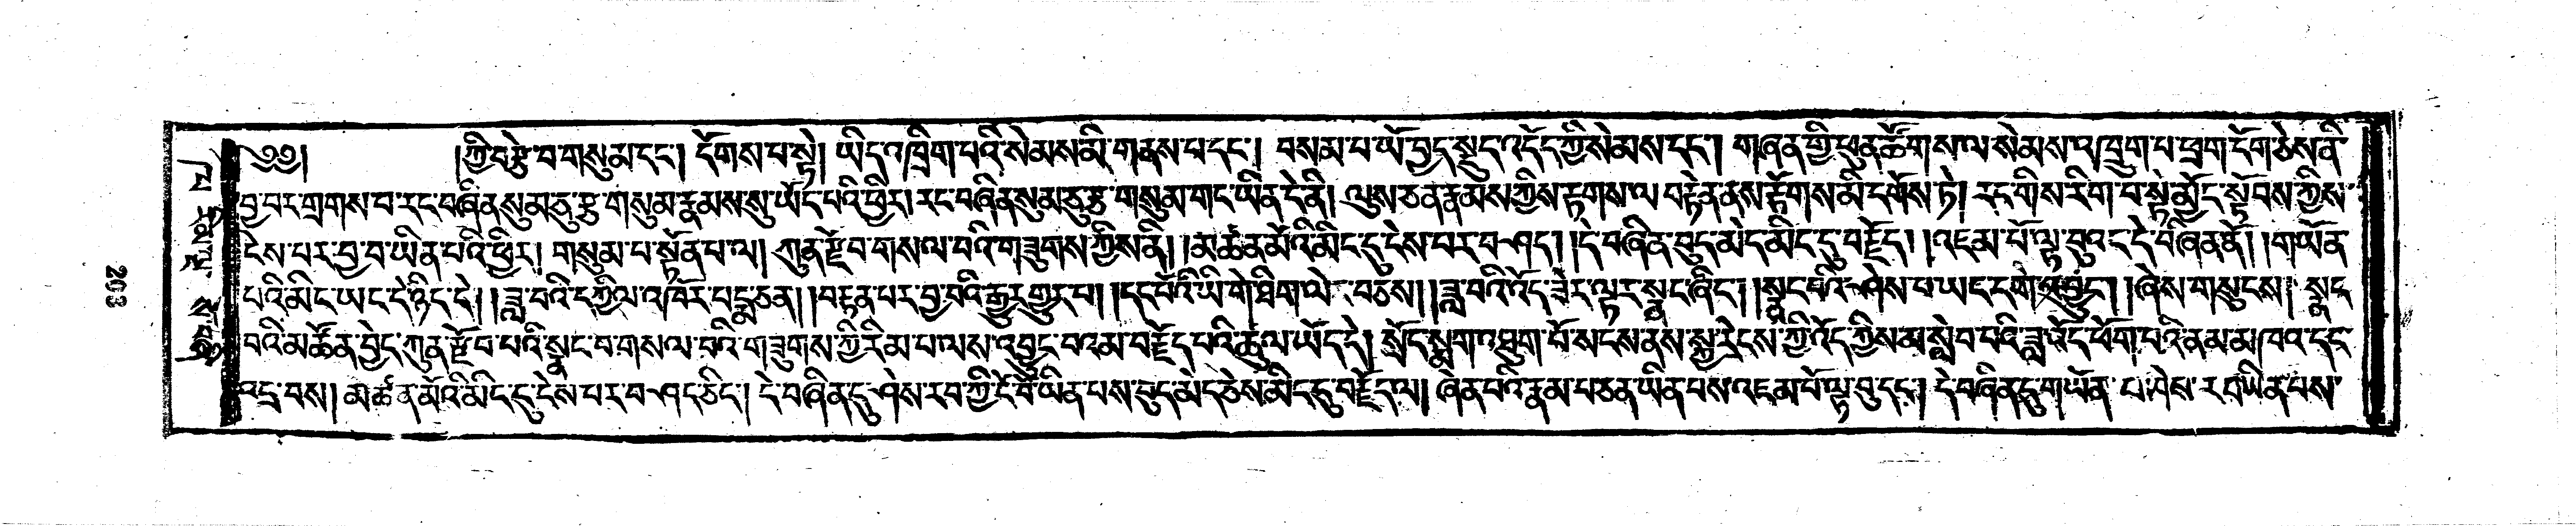༄༅། །ཀྱི་བརྩེ་བ་གསུམ་དང་། དོགས་པ་སྟེ། ཡིད་འཁྲིག་པའི་སེམས་མི་གནས་པ་དང་། བསམ་པ་ཡོ་བྱད་སྡུད་འདོད་ཀྱི་སེམས་དང་། གཞན་གྱི་ཕུན་ཚོགས་ལ་སེམས་འཁྲུག་པ་ཕྲག་དོག་ཅེས་ནི་
བྱ་བར་གྲགས་པ་དང་བཞིན་སུམ་ཅུ་རྩ་གསུམ་རྣམས་སུ་ཡོད་པའི་ཕྱིར། རང་བཞིན་སུམ་ཅུ་རྩ་གསུམ་གང་ཡིན་དེ་ནི། ལུས་ཅན་རྣམས་ཀྱིས་རྟགས་ལ་བརྟེན་ནས་རྟོགས་མི་དགོས་ཏེ། རང་གིས་རིག་པ་སྟེ་མྱོང་སྟོབས་ཀྱིས་
ངེས་པར་བྱ་བ་ཡིན་པའི་ཕྱིར། གསུམ་པ་སྟོན་པ་ལ། ཀུན་རྫོབ་གསལ་བའི་གཟུགས་ཀྱིས་ནི། །མཚན་མོའི་མིང་དུ་ངེས་པར་བཤད། །དེ་བཞིན་བུད་མེད་མིང་དུ་བརྗོད། །འཇམ་པོ་ལྟ་བུའང་དེ་བཞིན་ནོ། །གཡོན་
པའི་མིང་ཡང་དེ་ཉིད་དེ། །ཟླ་བའི་དཀྱིལ་འཁོར་པདམ་ཅན། །བརྟན་པར་བྱ་བའི་རྒྱུར་གྱུར་པ། །དང་པོའི་ཡི་གེ་ཐིག་ལེར་བཅས། །ཟླ་བའི་འོད་ཟེར་ལྟར་སྣང་ཞིང་། །སྣང་བའི་ཤེས་པ་ཡང་དག་འབྱུང་། །ཞེས་གསུངས། སྣང་
བའི་མཚོན་བྱེད་ཀུན་རྫོབ་པའི་སྣང་བ་གསལ་བའི་གཟུགས་ཀྱི་རིམ་པ་ལས་འབྱུང་བའམ་བརྗོད་པའི་ཚུལ་ཡོད་དེ། སྲོད་སྨག་འཐུག་པོ་སངས་ནས་སྐྱ་རེངས་ཀྱི་འོད་ཀྱིས་མ་སླེབ་པའི་ཟླ་འོད་ཕོག་པའི་ནམ་མཁའ་དང་
འདྲ་བས། མཚན་མོའི་མིང་དུ་ངེས་པར་བཤད་ཅིང་། དེ་བཞིན་དུ་ཤེས་རབ་ཀྱི་ངོ་བོ་ཡིན་པས་བུད་མེད་ཅེས་མིང་དུ་བརྗོད་ལ། ཞེན་པའི་རྣམ་པ་ཅན་ཡིན་པས་འཇམ་པོ་ལྟ་བུ་དང་། དེ་བཞིན་དུ་གཡོན་པ་ཤེས་རབ་ཡིན་པས་